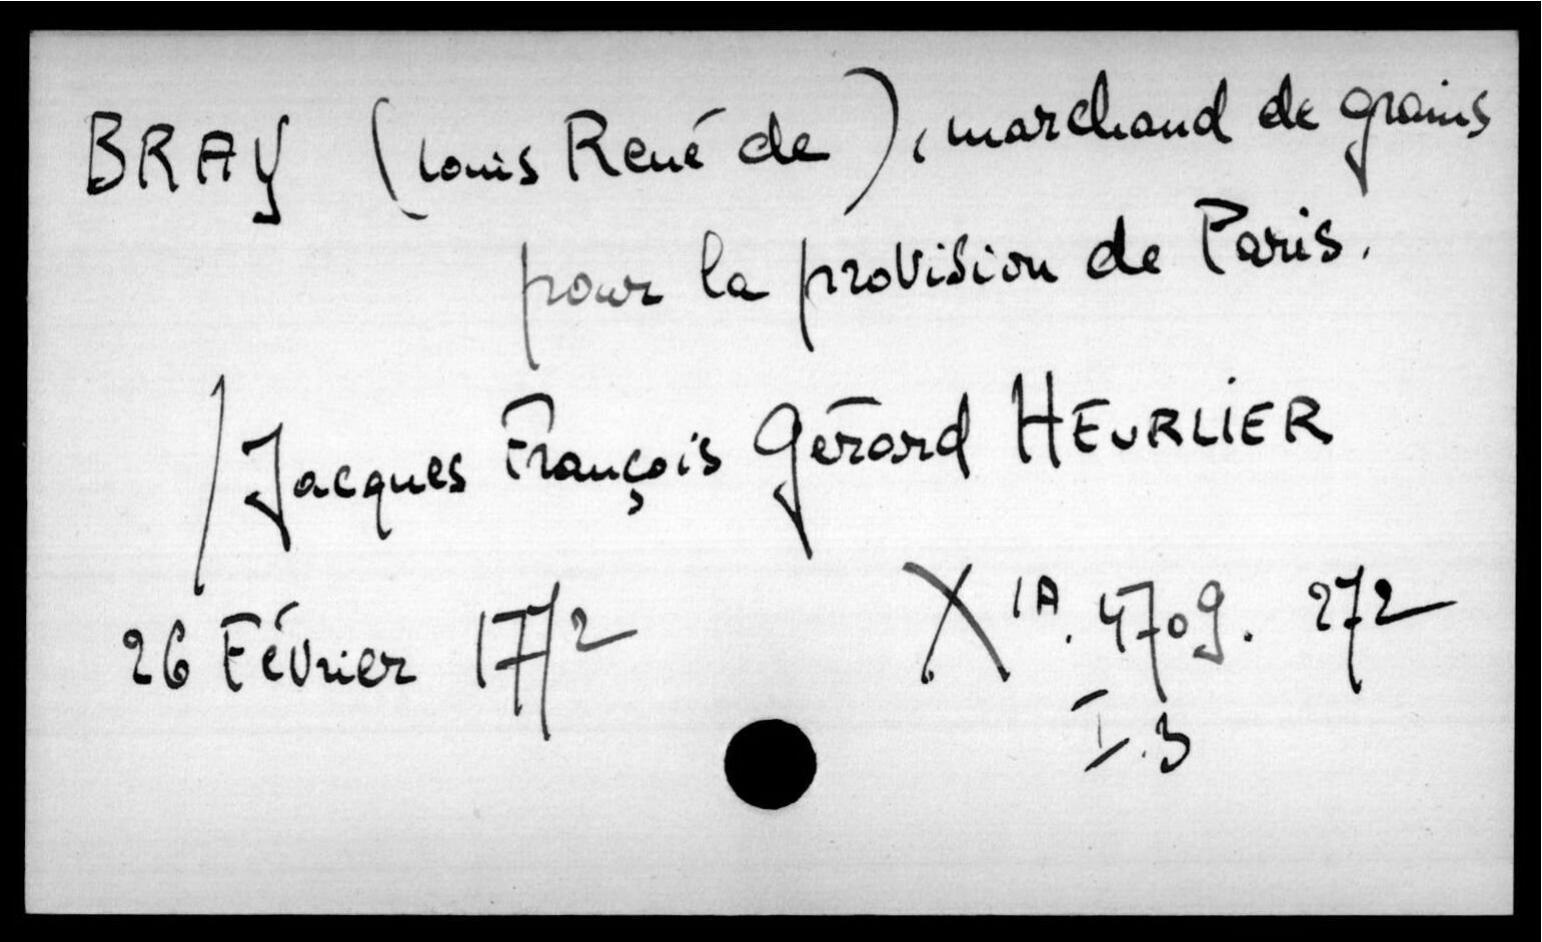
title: BRAY (Louis René de), marchand de grains pour la provision de Paris.
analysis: Contre Jacques François Gérard HEURLIER
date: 26 février 1772
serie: X1A
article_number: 4709
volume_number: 272, Intendances 3
